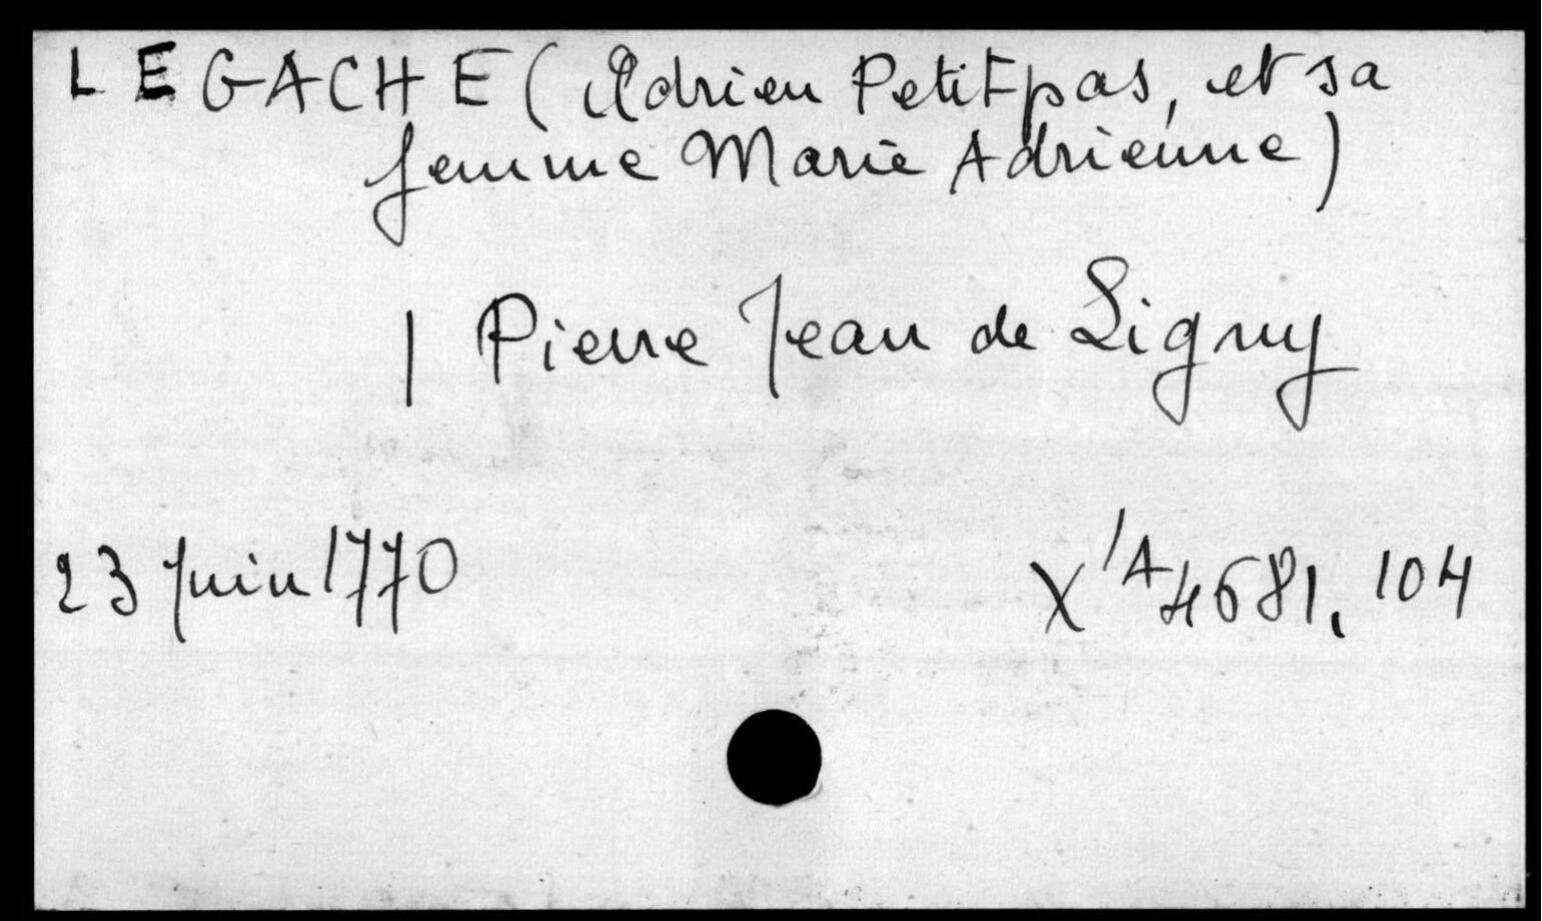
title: LEGACHE (Adrien Petitpas, et sa femme Marie Adrienne)
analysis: Contre Pierre Jean de Ligny
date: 23 juin 1770
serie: X1A
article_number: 4681
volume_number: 104
